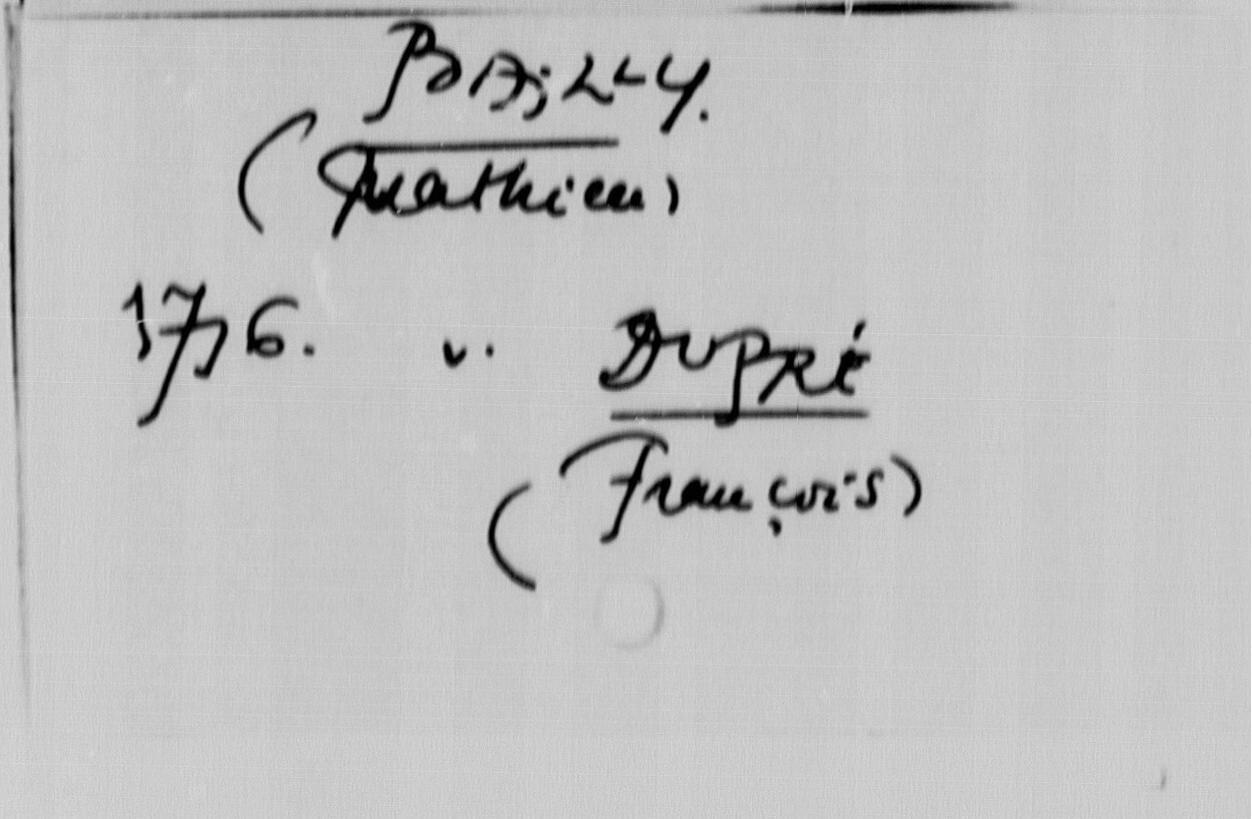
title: BAILLY (Mathieu)
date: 1716
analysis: Voir DUPRÉ (François)
